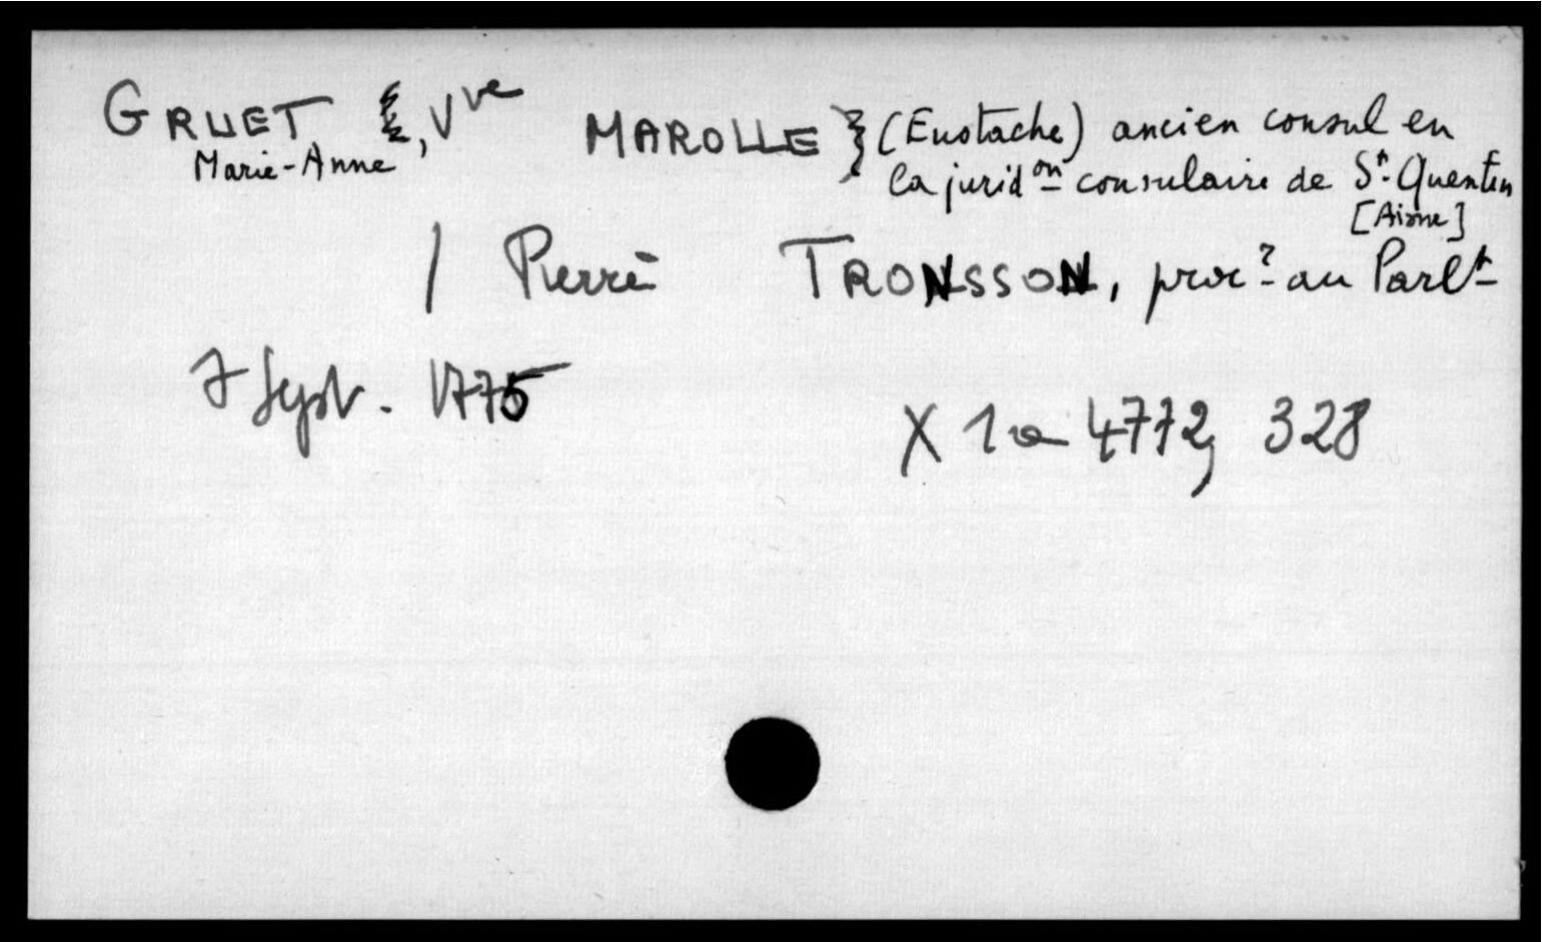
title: GRUET Marie-Anne , veuve MAROLLE (Eustache), ancien consul en la juridiction consulaire de Saint-Quentin (Aisne)
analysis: Contre Pierre TRONSSON, procureur au Parlement
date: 7 septembre 1775
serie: X1a
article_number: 4772
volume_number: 328
